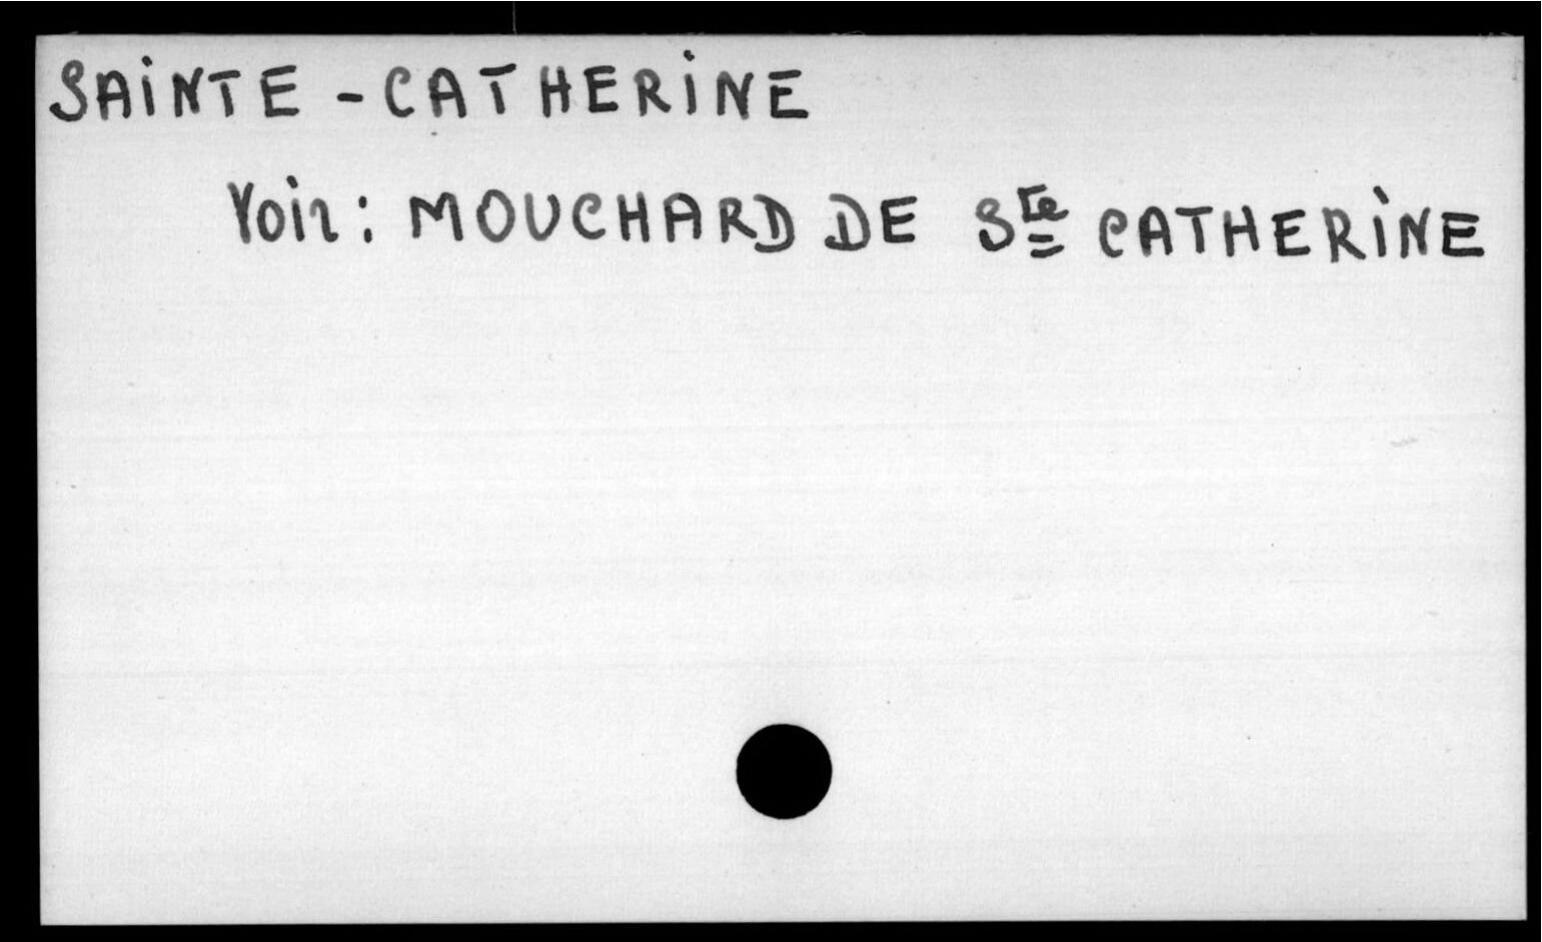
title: SAINTE-CATHERINE
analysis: Voir : MOUCHARD DE SAINTE CATHERINE
